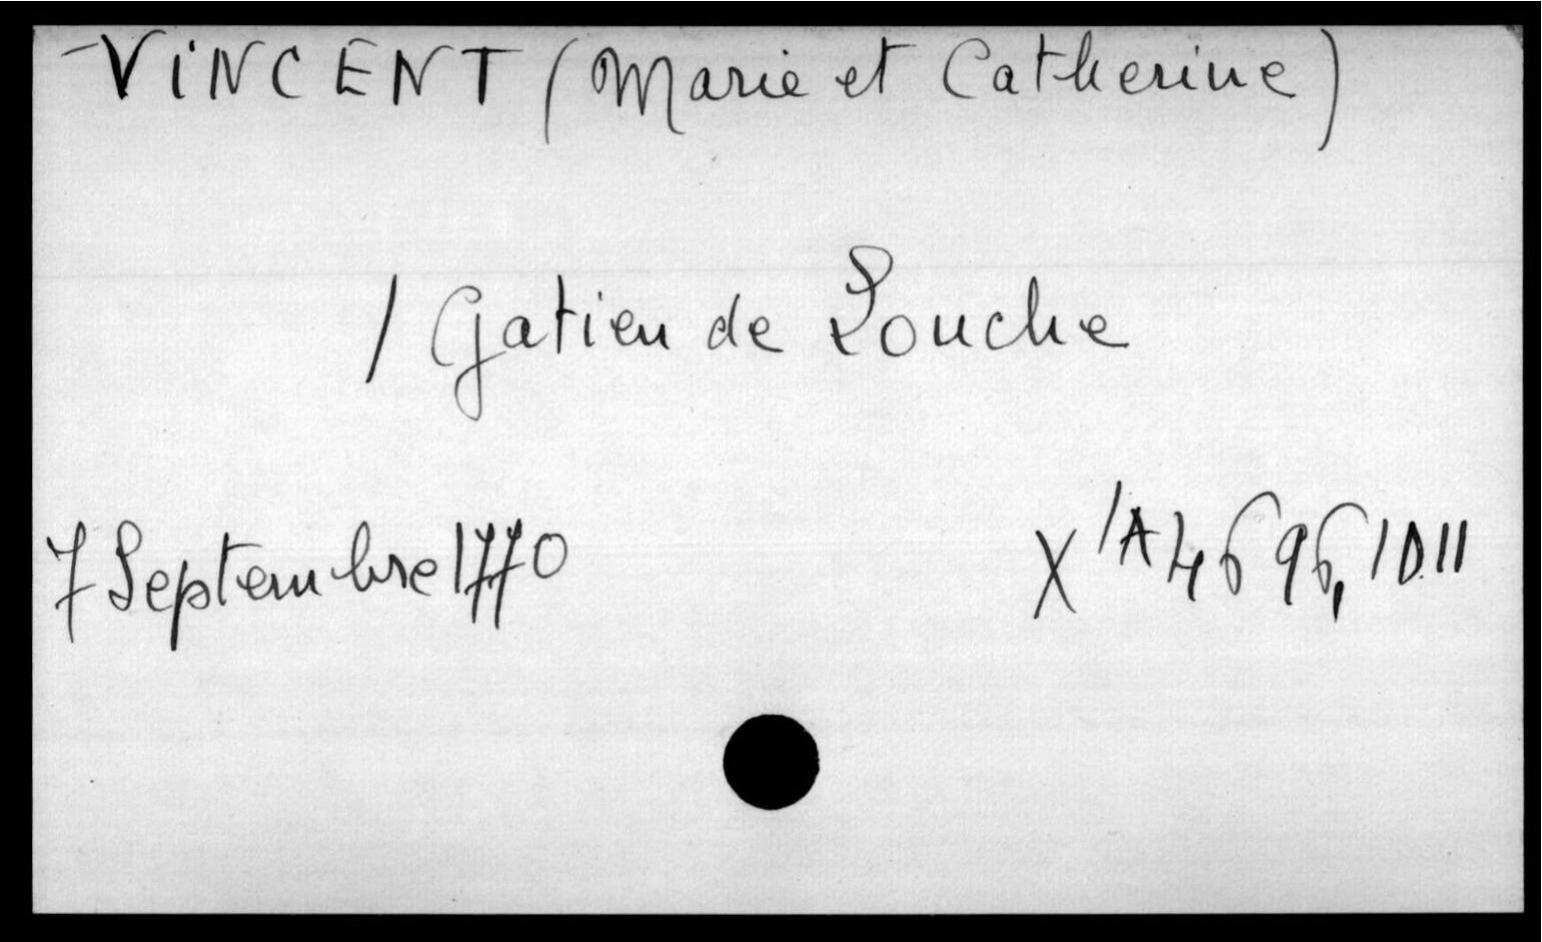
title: VINCENT (Marie et Catherine)
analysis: Contre Gatien de Louche
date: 7 septembre 1770
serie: X1A
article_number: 4696
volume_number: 1011
